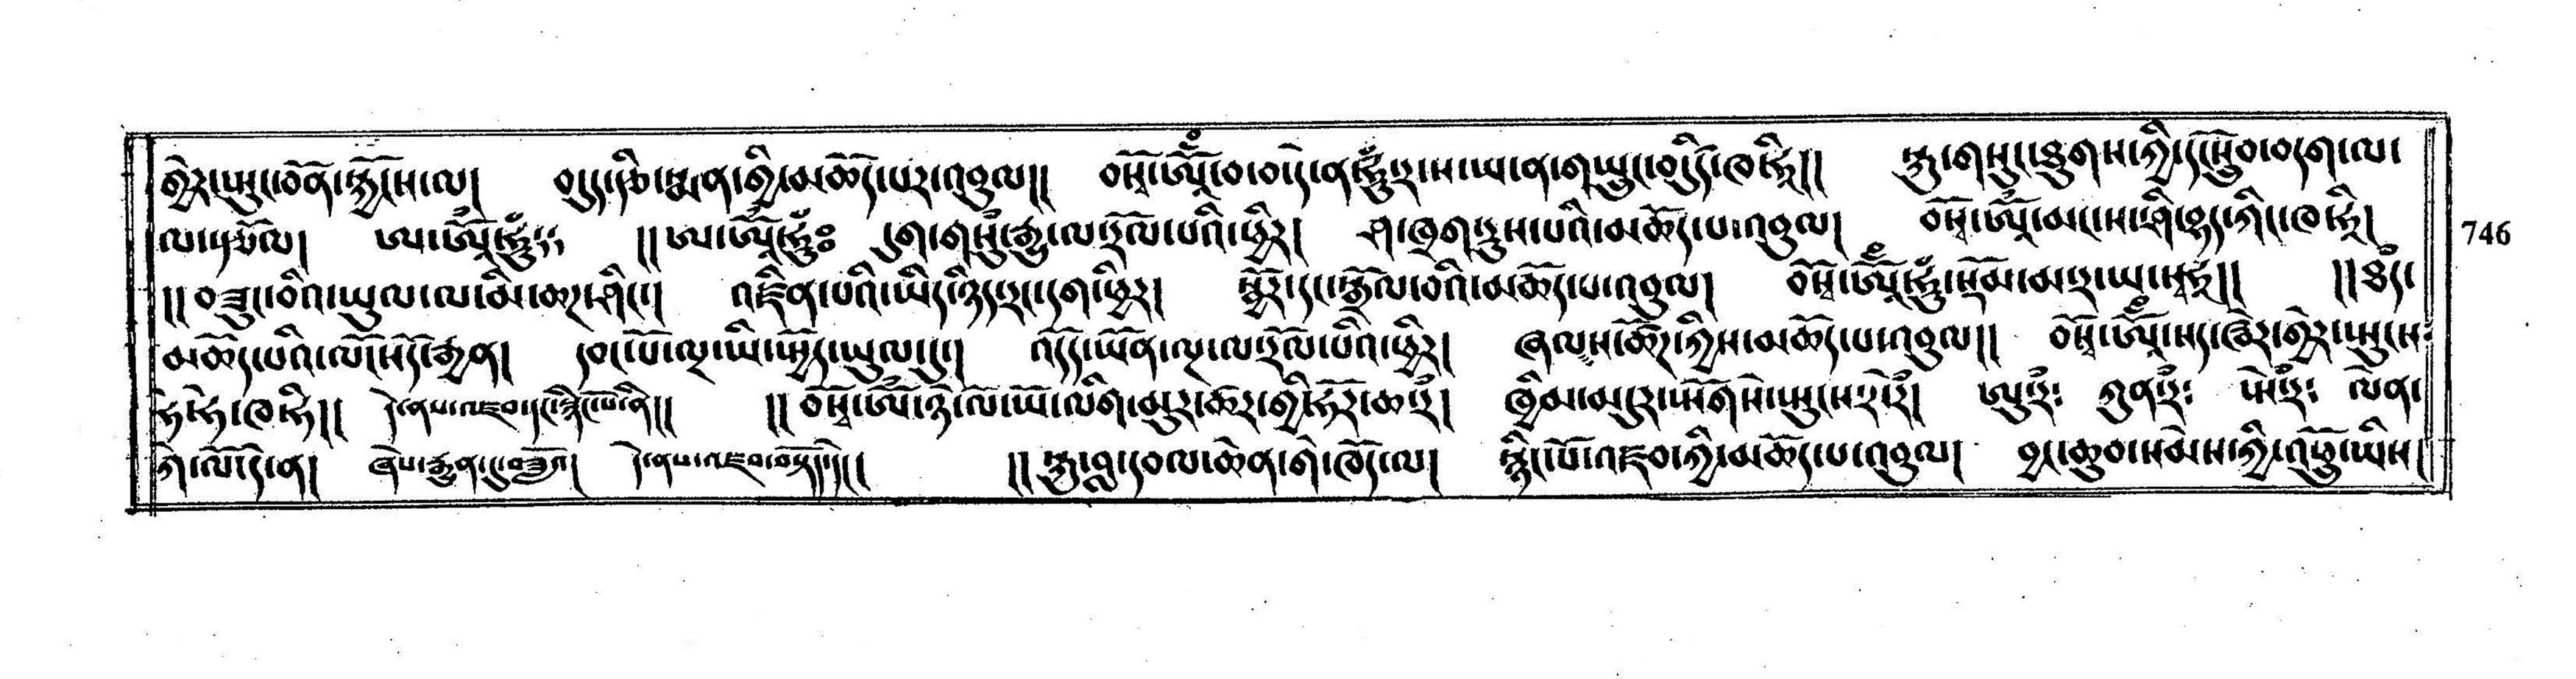གྱེར་སྤུང་བོན་སྐྱོངས་ལ། བདུད་རྩི་སྨན་གྱི་མཆོད་པར་འབུལ།། བསྭོ་ཨཱོཾ་བ་བ་དེ་ན་ཧཱུྃ་ར་ས་ཡ་ན་གཡུ་འབྲང་བདུད་རྩི་ཁ་ཧཱི།། སྐུ་གསུང་ཐུགས་ཀྱི་དངོས་གྲུབ་བདག་
ལ་སྩོལ། ཨ་ཨཱོཾ་ཧཱུཾ །།ཨ་ཨཱོཾ་ཧཱུཾཿ དུག་གསུམ་རྒྱུ་ལ་རོལ་པའི་ཕྱིར། ཤ་ཁྲག་རུས་པའི་མཆོད་པ་འབུལ། བསྭོ་ཨཱོཾ་མང་ས་ཤི་བྷད་ཀིང་ཁ་ཧཱི། 
།།བཟུང་བའི་ཡུལ་ལ་མི་ཆགས་ཤིང་། འཛིན་པའི་ཡིད་ཉིད་རང་དག་ཕྱིར། སྦྱོར་དང་སྒྲོལ་བའི་མཆོད་པ་འབུལ། བསྭོ་ཨཱོཾ་ཧཱུཾ་སྡོམ་མ་ར་ཡ་སྭཧཱ།། །།ཐམས་ཅད་
མཆོད་པའི་ལོངས་སྤྱོད་རྒྱན། དབང་པོ་ལྔ་ཡི་སྤྱོད་ཡུལ་དུ། འདོད་ཡོན་ལྔ་ལ་རོལ་པའི་ཕྱིར། ཞལ་ཟས་ཚོགས་ཀྱིས་མཆོད་པ་འབུལ།། བསྭོ་ཨཱོཾ་སད་ཝེར་གྱེར་སྤུངས་
ཧེ་ཧེ་ཁ་ཧི།། དེ་ནས་འཛབ་དང་སྙིང་པོ་ནི།། །།བསྭོ་ཨོཾ་ཉེ་ལོ་ཡོ་ལིག་མུར་ཚར་གྱི་ཧོར་ཆ་རཾ། ཁྱིམ་མདུར་སྤོགས་སེ་སྤུངས་རེ་རཾ། ཨུ་རཾ༴ ཀུན་རཾ༴ སྤེ་རཾ༴ ལེན་
ཀེ་ལོ་དེ་ན། ཞེས་རྒྱུན་དུ་བཟླའོ། དེ་ནས་འཛབ་བསྟོད་དེ།། །།སྐུ་བླ་དབལ་ཆེན་གེ་ཁོད་ལ། སྙིང་པོ་འཛབ་ཀྱི་མཆོད་པ་འབུལ། བྱང་ཆུབ་སེམས་ཀྱི་འཕྲོ་འདུ་ཡིས།